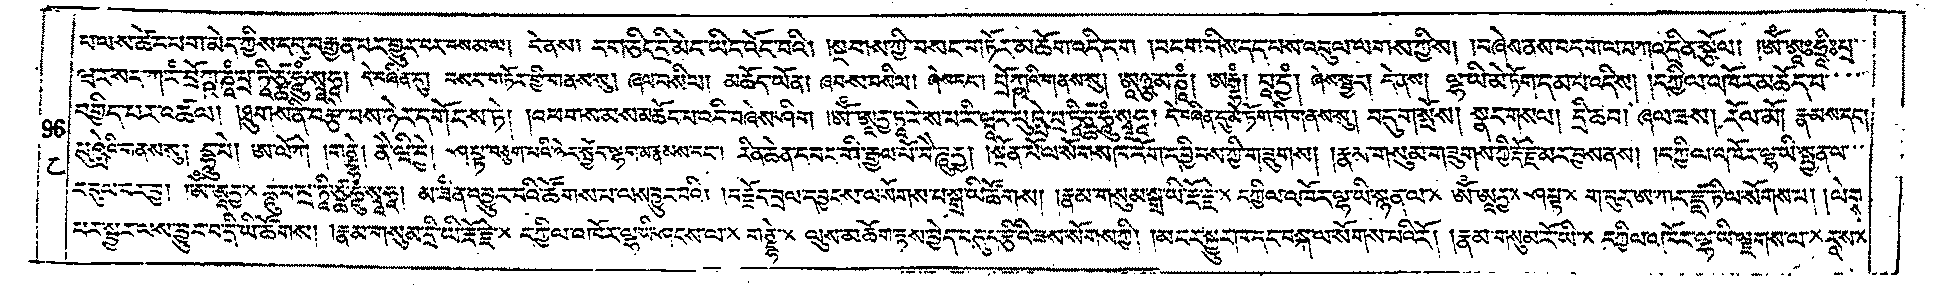པ་ལས་ཚེ་དཔག་མེད་ཀྱིས་དབུ་བརྒྱན་པར་གྱུར་པར་བསམ་ལ། དེ་ནས། དག་ཅིང་དྲི་མེད་ཡིད་འོང་བའི། །སྔགས་ཀྱི་བསང་གཏོར་མཆོག་འདི་དག །བདག་གིས་དད་པས་འབུལ་ལགས་ཀྱིས། །བཞེས་ནས་བདག་ལ་བཀའ་དྲིན་སྩོལ། །ཨོཾ་ཨཱཿ ཧྲཱིཿ པྲ་་་
ཝ་ར་སད་ཀ་རཾ་པྲོ་ཀྵ་ཎཱཾ་པྲ་ཏཱི་ཙྪ་ཧཱུཾ་སྭཱཧཱ། དེ་བཞིན་དུ། བསང་གཏོར་གྱི་གནས་སུ།  །ཞལ་བསིལ། མཆོད་ཡོན། ཞབས་བསིལ། ཞེས་དང་།  པྲོཀྵཱི་གནས་སུ། །ཨཱཉྩ་མ་ཎཱཾ། ཨརྒྷཾ། པཱདྱཾ། ཞེས་སྦྱར། དེ་ནས།  ལྷ་ཡི་མེ་ཏོག་དམ་པ་འདིས། །དཀྱིལ་འཁོར་མཆོད་པ་་་
བགྱིད་པར་འཚལ། །ཐུགས་ནི་བརྩེ་བས་ཉེར་དགོངས་ཏེ། །འཕགས་མས་མཆོད་པ་འདི་བཞེས་ཤིག །ཨོཾ་ཨཱརྱ་ཏཱ་རེ་ས་པ་རི་ཝཱ་ར་པུཥྤེ་པྲ་ཏཱི་ཙྪ་ཧཱུཾ་སྭཱ་ཧཱ། དེ་བཞིན་དུ་མེ་ཏོག་གི་གནས་སུ།  བདུག་སྤོས། སྣང་གསལ། དྲི་ཆབ། ཞལ་ཟས། རོལ་མོ། རྣམ་དང་།
པུཥྤེའི་གནས་སུ། དྷཱུ་པེ། ཨ་ལོ་ཀེ། །གནྡྷེ། ནཻ་ཝི་དྱེ། ཤཔྟ་བཅུག་པའི་ཉེར་སྤྱོད་ལྷག་མ་རྣམས་དང་།  རིན་ཆེན་དབང་གི་རྒྱལ་པོ་བཻ་དཱུརྱ། །སྔོན་པོ་ལ་སོགས་ཁ་དོག་དབྱིབས་ཀྱི་གཟུགས། །རྣམ་གསུམ་གཟུགས་ཀྱི་རྡོ་རྗེ་མར་བྱས་ནས། །དཀྱིལ་འཁོར་ལྷ་ཡི་སྤྱན་ལ་་་
དབུལ་བར་བྱ། །ཨོཾ་ཨཱ་རྱ་྾་རཱུ་པ་པྲ་ཏཱི་ཙྪ་ཧཱུཾ་སྭཱཧཱ། མ་ཟིན་འབྱུང་བའི་ཚོགས་པ་ལས་བྱུང་བའི། །བརྗོད་བྲལ་དབྱངས་ལ་སོགས་པ་སྒྲ་ཡི་ཚོགས། །རྣམ་གསུམ་སྒྲ་ཡི་རྡོ་རྗེ་྾་དཀྱིལ་འཁོར་ལྷ་ཡི་སྙན་ལ་྾་ཨོཾ་ཨཱ་རྱ་྾་ཤཔྟ་྾་ག་བུར་ཨ་ཀར་ཛཱ་ཏི་ལ་སོགས་པ། །ལེགས་
པར་སྦྱར་ལས་བྱུང་བ་དྲི་ཡི་ཚོགས། །རྣམ་གསུམ་དྲི་ཡི་རྡོ་རྗེ་྾་དཀྱིལ་འཁོར་ལྷ་ཡི་ཤངས་ལ་྾་གནྡྷི་྾་ལུས་མཆོག་རྟས་བྱེད་བདུད་རྩིའི་ཟས་སོགས་ཀྱི། །མངར་སྐྱུར་ཁ་དང་བསྐ་ལ་སོགས་པའི་རོ། །རྣམ་གསུམ་རོ་ཡི་྾་དཀྱིལ་འཁོར་ལྷ་ཡི་ལྗགས་ལ་྾་རཱ་ས་྾་